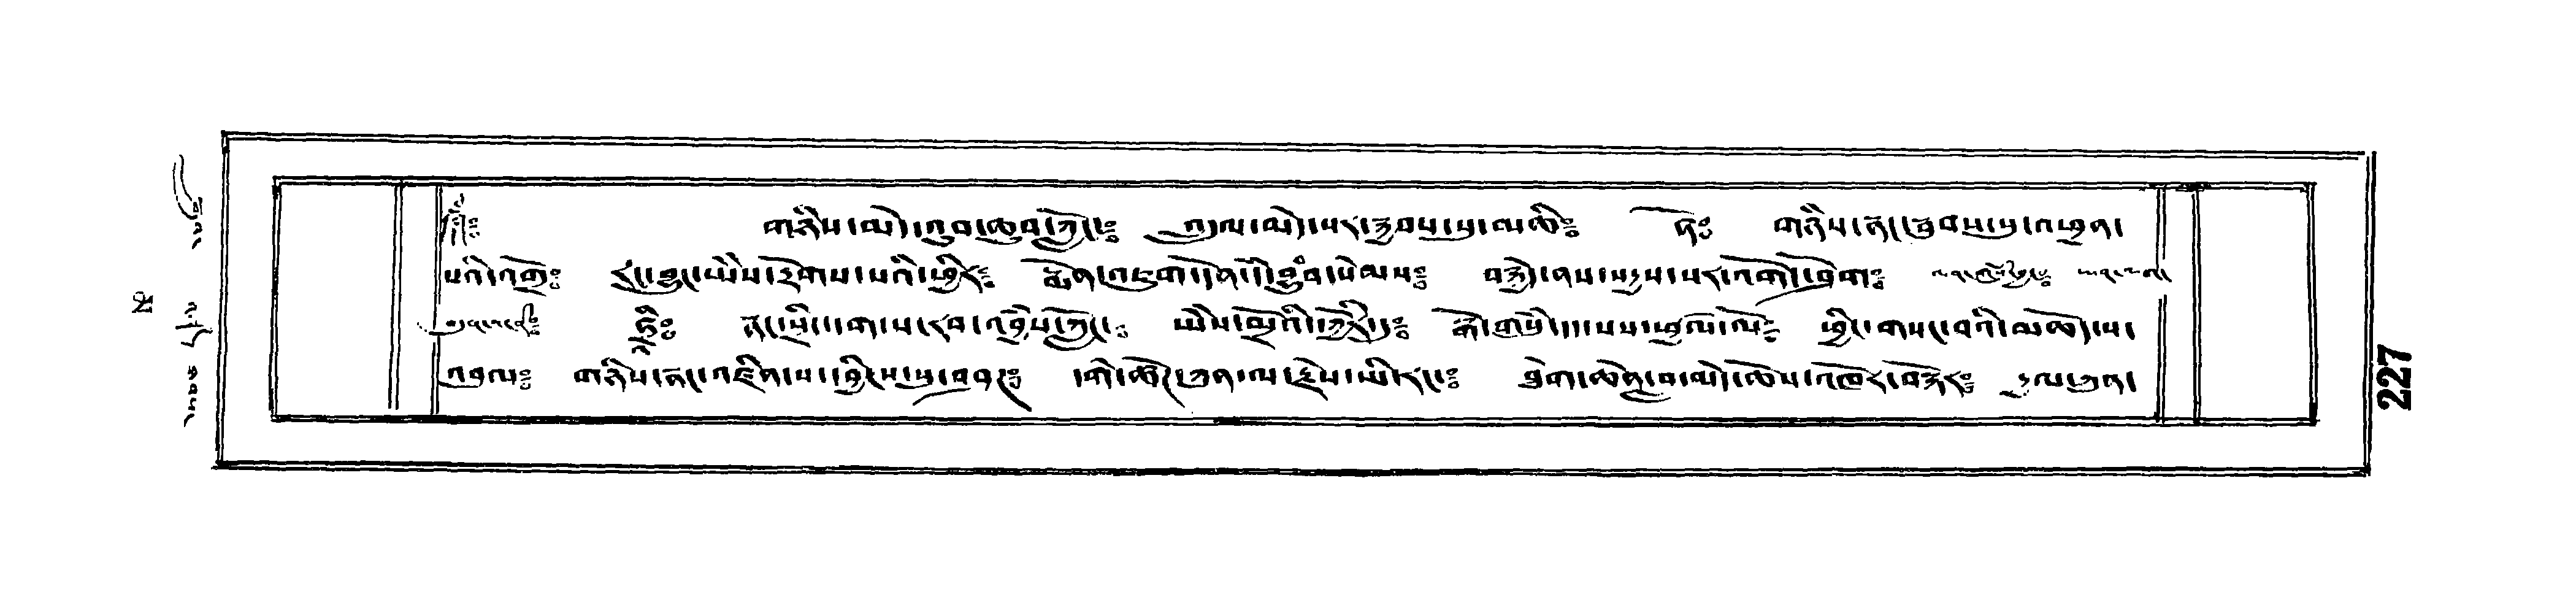གཉིས་མེད་འུབ་ཆུབ་ཀློང༔ འདུ་འབྲལ་མེད་པར་སྐྱབས་སུ་མཆི༔ ཧོཿ གཉིས་སྣང་སྦུབས་སུ་འཕྱན་
པའི་འགྲོ༔ རང་བྱུང་ཡེ་ཤེས་རྟོགས་པའི་ཕྱིར༔ སྨོན་འཇུག་དོན་དམ་བྱང་ཆུབ་སེམས༔ བསྐྱེད་ནས་སངས་རྒྱས་སར་འགོད་ཤོག༔ ལན་གསུམ་བྱ༔ ཡན་ལག་
བདུན་པ་ནི༔ ཧྲཱིཿ སྣང་སྲིད་དག་པ་རབ་འབྱམས་ཀློང༔ ཡེ་ཤེས་མཁའ་འགྲོའི་དཀྱིལ་འཁོར་དུ༔ སྒོ་གསུམ་དད་པས་ཕྱག་འཚལ་ལོ༔ ཕྱི་ནང་གསང་བའི་མཆོད་པ་
འབུལ༔ གཉིས་སྣང་འཛིན་པ་དབྱིངས་སུ་བཤགས༔ དགེ་ཚོགས་ཀུན་ལ་རྗེས་ཡི་རང༔ ཐེག་ཆེན་བླ་མེད་ཆོས་འཁོར་བསྐོར༔ རྒྱལ་ཀུན་